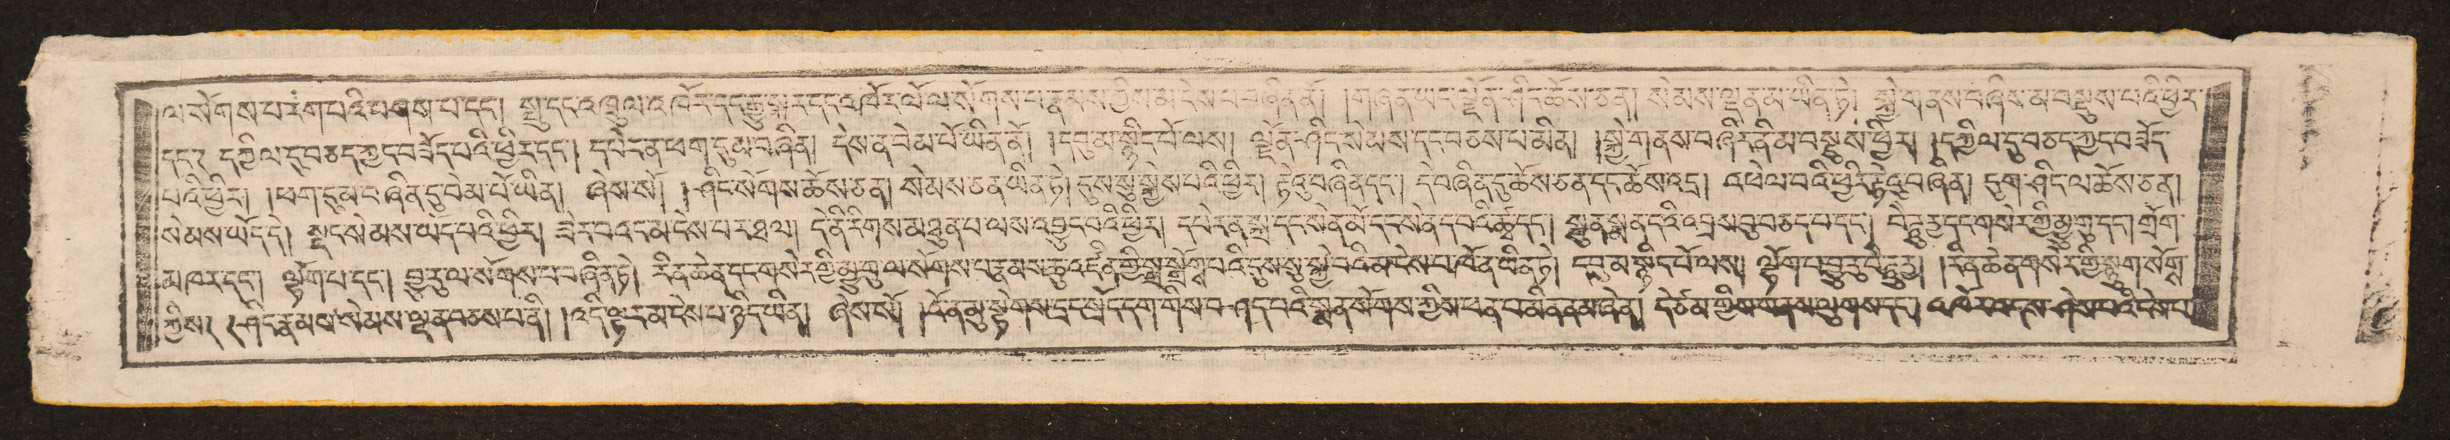ལ་སོགས་པ་རེག་པའི་ལགས་པ་དང་། སྤུ་དང་འཁྲུལ་འཁོར་དང་རྒྱུ་སྐར་དང་འཁོར་ལོ་ལ་སོགས་པ་རྣམས་ཀྱིས་མ་ངེས་པ་བཞིན་ནོ། །གཞན་ཡང་ལྗོན་ཤིང་ཆོས་ཅན། སེམས་ལྡན་མ་ཡིན་ཏེ། སྐྱེ་གནས་བཞིས་མ་བསྡུས་པའི་ཕྱིར་
དང༑ དཀྱིལ་དུ་བཅད་ཀྱང་བཟོད་པའི་ཕྱིར་དང་། དཔེར་ན་ཕག་དུ་མ་བཞིན། དེས་ན་བེམ་པོ་ཡིན་ནོ། །དབུ་མ་སྙིང་པོ་ལས། ལྗོན་ཤིང་སེམས་དང་བཅས་པ་མིན། །སྐྱེ་གནས་བཞིར་ནི་མ་བསྡུས་ཕྱིར། །དཀྱིལ་དུ་བཅད་ཀྱང་བཟོད་
པའི་ཕྱིར། །ཕག་དུམ་བཞིན་དུ་བེམ་པོ་ཡིན། ཞེས་སོ། །ཤིང་སོགས་ཆོས་ཅན། སེམས་ཅན་ཡིན་ཏེ། དུས་སུ་སྐྱེས་པའི་ཕྱིར། རྟེའུ་བཞིན་དང་། དེ་བཞིན་དུ་ཆོས་ཅན་དང་ཆོས་འདྲ། འཕེལ་བའི་ཕྱིར་རྟེའུ་བཞིན། དུག་ཤིང་ལ་ཆོས་ཅན།
སེམས་ཡོད་དེ། སྡང་སེམས་ཡོད་པའི་ཕྱིར། ཟེར་བའང་མ་ངེས་པར་ཐལ། དེ་ནི་རིགས་མཐུན་པ་ལས་འབྱུང་བའི་ཕྱིར། དཔེར་ན་སྐྲ་དང་སེན་མོ་དང་སེན་དཔའི་ཚྭ་དང་། སྒུན་སྨན་དའི་འབྲས་བུ་བཅད་པ་དང་། བེ་ཌཱུརྱ་དང་གསེར་གྱི་མྱུ་གུ་དང་། གྲོག་
མཁར་དང་། ལྷོག་པ་དང་། བྱུ་རུ་ལ་སོགས་པ་བཞིན་ཏེ། རིན་ཆེན་དང་གསེར་གྱི་མྱུ་གུ་ལ་སོགས་པ་རྣམས་ཆུ་འཛིན་གྱི་སྒྲ་སྒྲོགས་པའི་དུས་སུ་སྐྱེ་བའི་མ་ངེས་པ་ཁོ་ན་ཡིན་ཏེ། དབུ་མ་སྙིང་པོ་ལས། ལྷོག་པ་བྱུ་རུ་བཻ་ཌཱུརྱ། །རིན་ཆེན་གསེར་གྱི་སྙག་སོགས་
ཀྱིས༑ ༑ཤིང་རྣམས་སེམས་ལྡན་བཅས་པ་ནི། །འདི་ལྟར་མ་ངེས་པ་ཉིད་ཡིན། ཞེས་སོ། །འོ་ན་མུ་སྟེགས་དྲང་སྲོང་དག་གིས་བཤད་པའི་སྨན་སོགས་ཀྱིས་ཕན་པ་མིན་ནམ་ཞེ་ན། དེ་ཙམ་གྱིས་གནས་ལུགས་དང་། འཁོར་འདས་ཤེས་པའི་ངེས་ང་?